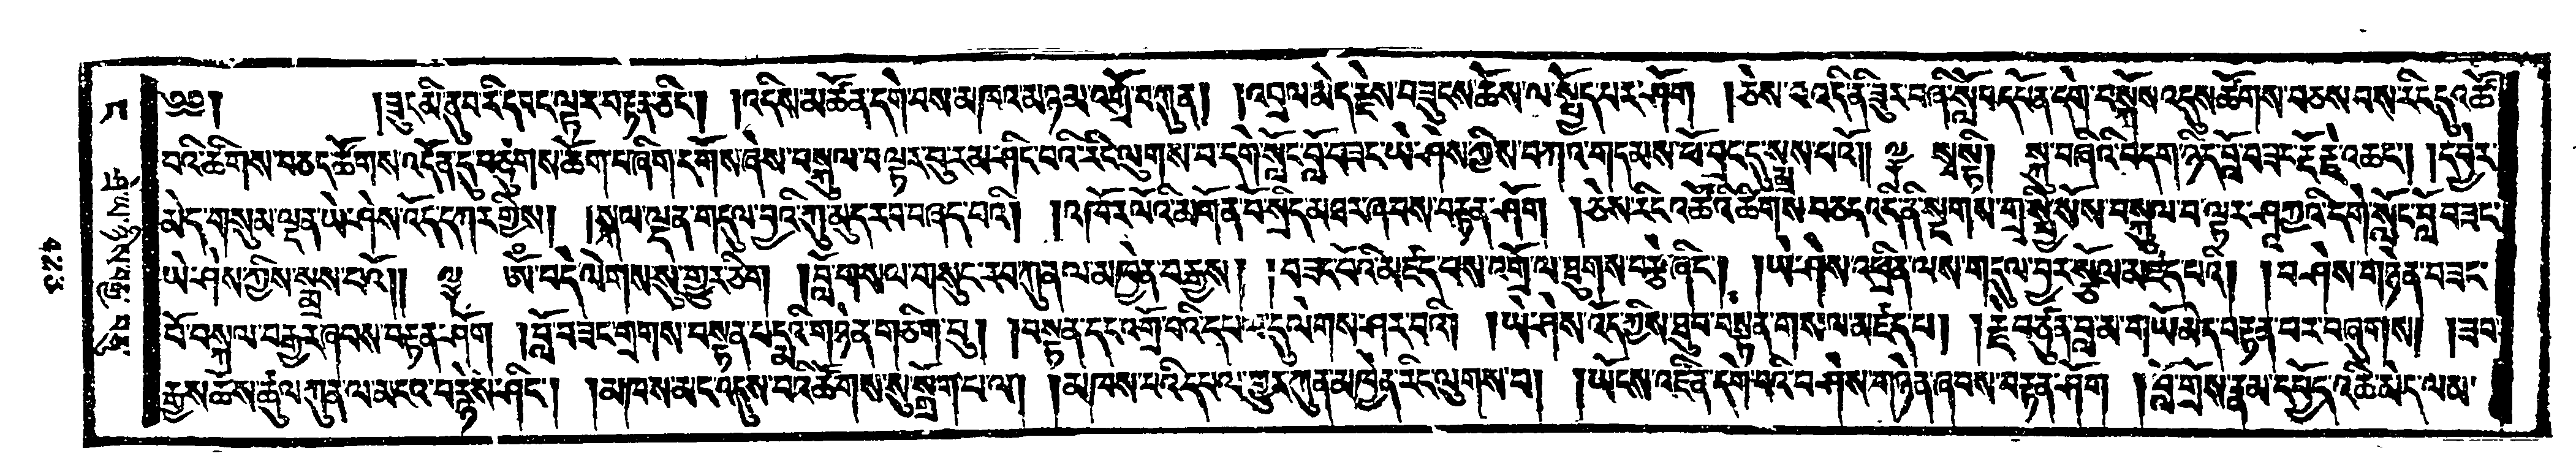༄༅། །ཟུང་མི་ནུབ་རི་དབང་ལྟར་བརྟན་ཅིང་། །འདིས་མཚོན་དགེ་བས་མཁའ་མཉམ་འགྲོ་བ་ཀུན། །འབྲལ་མེད་རྗེས་བཟུངས་ཆོས་ལ་སྤྱོད་པར་ཤོག །ཅེས་བ་འདི་ནི་ཟུར་བཞི་སློབ་དཔོན་དགེ་བསྐོས་འདུས་ཚོགས་བཅས་བས་རིང་དུ་འཚོ་
བའི་ཚིགས་བཅད་ཚོགས་འདོན་དུ་བཙུགས་ཆོ་ག་པ་ཞིག་དགོས་ཞེས་བསྐུལ་བ་ལྟར་བུ་རམ་ཤིང་བའི་རིང་ལུགས་བ་དགེ་སློང་བློ་བཟང་ཡེ་ཤེས་ཀྱིས་བཀའ་གདམས་ཕོ་བྲང་དུ་སྨྲས་པའོ།། ༈ སྭསྟི། སྐུ་བཞིའི་བདག་ཉིད་བློ་བཟང་རྡོ་རྗེ་འཆང་། །དབྱེར་
མེད་གསུམ་ལྡན་ཡེ་ཤེས་འོད་དཀར་གྱིས། །སྐལ་ལྡན་གདུལ་བྱའི་ཀུ་མུད་རབ་བཞད་བའི། །འཁོར་ལོའི་མགོན་བོ་སྲིད་མཐར་ཞབས་བརྟན་ཤོག །ཅེས་རིང་འཚོའི་ཚིགས་བཅད་འདི་ནི་སྔགས་གྲྭ་སྤྱི་སོས་བསྐུལ་བ་ལྟར་ཤཱཀྱའི་དགེ་སློང་བློ་བཟང་
ཡེ་ཤེས་ཀྱིས་སྨྲས་བའོ།། ༈ ཨོཾ་བདེ་ལེགས་སུ་གྱུར་ཅིག །བློ་གསལ་གསུང་རབ་ཀུན་ལ་མཁྱེན་བ་རྒྱས། །བཟང་བོའི་མཛད་བས་འགྲོ་ལ་ཐུགས་བརྩེ་ཞིང་། །ཡེ་ཤེས་འཕྲིན་ལས་གདུལ་བྱར་སྩོལ་མཛད་པའི། །བཤེས་གཉེན་བཟང་
བོ་བསྐལ་བརྒྱར་ཞབས་བརྟན་ཤོག །བློ་བཟང་གྲགས་བསྟན་པདམའི་གཉེན་གཅིག་བུ། །བསྟན་དང་འགྲོ་བའི་དཔལ་དུ་ལེགས་ཤར་བའི། །ཡེ་ཤེས་འོད་ཀྱིས་ཐུབ་བསྟན་གསལ་མཛད་པ། །རྗེ་བཙུན་བླ་མ་གཡོ་མེད་བརྟན་བར་བཞུགས། །ཟབ་
རྒྱས་ཆོས་ཚུལ་ཀུན་ལ་མངའ་བརྙེས་ཤིང་། །མཁས་མང་འདུས་བའི་ཚོགས་སུ་སྒྲོག་པ་ལ། །མཁས་པའི་དཔལ་གྱུར་ཀུན་མཁྱེན་རིང་ལུགས་བ། །ཡོངས་འཛིན་དགེ་བའི་བཤེས་གཉེན་ཞབས་བརྟན་ཤོག །བློ་གྲོས་རྣམ་དཔྱོད་འཆི་མེད་ལམ་